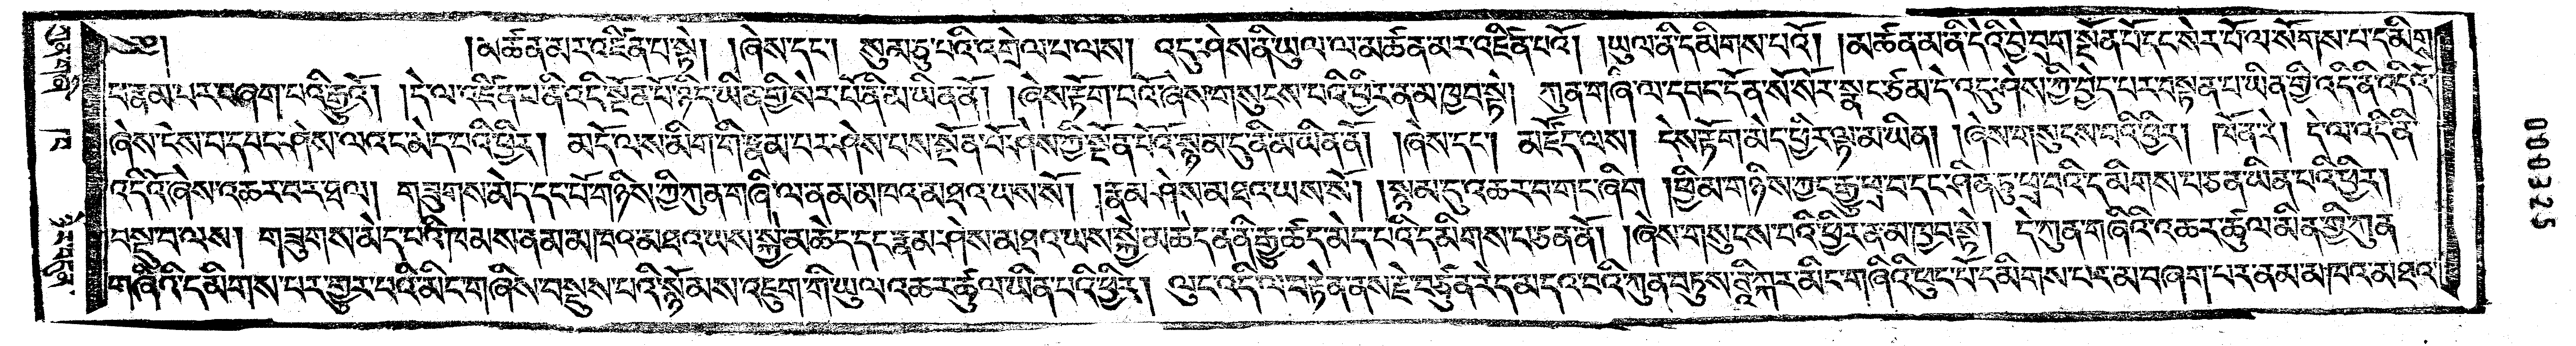༄༅། །མཚན་མར་འཛིན་པ་སྟེ། །ཞེས་དང་། སུམ་ཅུ་པའི་འགྲེལ་པ་ལས། འདུ་ཤེས་ན་ཡུལ་ལ་མཚན་མར་འཛིན་པའོ། །ཡུལ་ནི་དམིགས་པའོ། །མཚན་མ་ནི་དེའི་བྱེ་བྲག་སྔོན་པོ་དང་སེར་པོ་ལ་སོགས་པ་དམིགས་
པ་རྣམ་པར་བཞག་པའི་རྒྱུའོ། །དེ་ལ་འཛིན་པ་ནི་འདི་སྔོན་པོ་ཉིད་ཡིན་གྱི་སེར་པོ་ནི་མ་ཡིན་ནོ། །ཞེས་རྟོག་པའོ་ཞེས་གསུངས་པའི་ཕྱིར་ན་མ་ཁྱབ་སྟེ། ཀུན་གཞི་ལ་དབང་དོན་སོ་སོར་སྣང་ཙམ་དེ་འདུ་ཤེས་ཀྱི་བྱེད་པར་བསྟན་པ་ཡིན་གྱི་འདི་ནི་འདིའོ་
ཞེས་ངེས་པ་དབང་ཤེས་ལའང་མེད་པའི་ཕྱིར། མདོ་ལས་མིག་གི་རྣམ་པར་ཤེས་པས་སྔོན་པོ་ཤེས་ཀྱི་སྔོན་པོའོ་སྙམ་དུ་ནི་མ་ཡིན་ནོ། །ཞེས་དང་། མཛོད་ལས། དེས་རྟོག་མེད་ཕྱིར་ལྟ་མ་ཡིན། །ཞེས་གསུངས་པའི་ཕྱིར། ཁོ་ན་རེ། དེ་ལ་འདི་ནི་
འདིའོ་ཞེས་འཆར་བར་ཐལ། གཟུགས་མེད་དང་པོ་གཉིས་ཀྱི་ཀུན་གཞི་ལ་ནམ་མཁའ་མཐའ་ཡས་སོ། །རྣམ་ཤེས་མཐའ་ཡས་སོ། །སྙམ་དུ་འཆར་བ་གང་ཞིག །ཕྱི་མ་གཉིས་ཀྱང་རྒྱུ་ཕྲ་བ་དང་ཤིན་ཏུ་ཕྲ་བའི་དམིགས་པ་ཅན་ཡིན་པའི་ཕྱིར།
བསྡུ་བ་ལས། གཟུགས་མེད་པའི་ཁམས་ནམ་མཁའ་མཐའ་ཡས་སྐྱེ་མཆེད་དང་རྣམ་ཤེས་མཐའ་ཡས་སྐྱེ་མཆེད་ན་ནི་རྒྱུ་ཚད་མེད་པའི་དམིགས་པ་ཅན་ནོ། །ཞེས་གསུངས་པའི་ཕྱིར་ན་མ་ཁྱབ་སྟེ། དེ་ཀུན་གཞིའི་འཆར་ཚུལ་མིན་གྱི་ཀུན་
གཞིའི་དམིགས་པར་གྱུར་པའི་མིང་གཞིས་བསྡུས་པའི་སྙོམས་འཇུག་གི་ཡུལ་འཆར་ཚུལ་ཡིན་པའི་ཕྱིར། ལུང་འདི་ལ་བརྟེན་ནས་རྗེ་བཙུན་རེད་མདའ་བའི་ཀུན་བཏུས་ཊཱིཀྐར་མིང་གཞིའི་ཕུང་པོ་དམིགས་པར་མ་བཞག་པར་ནམ་མཁའ་མཐའ་